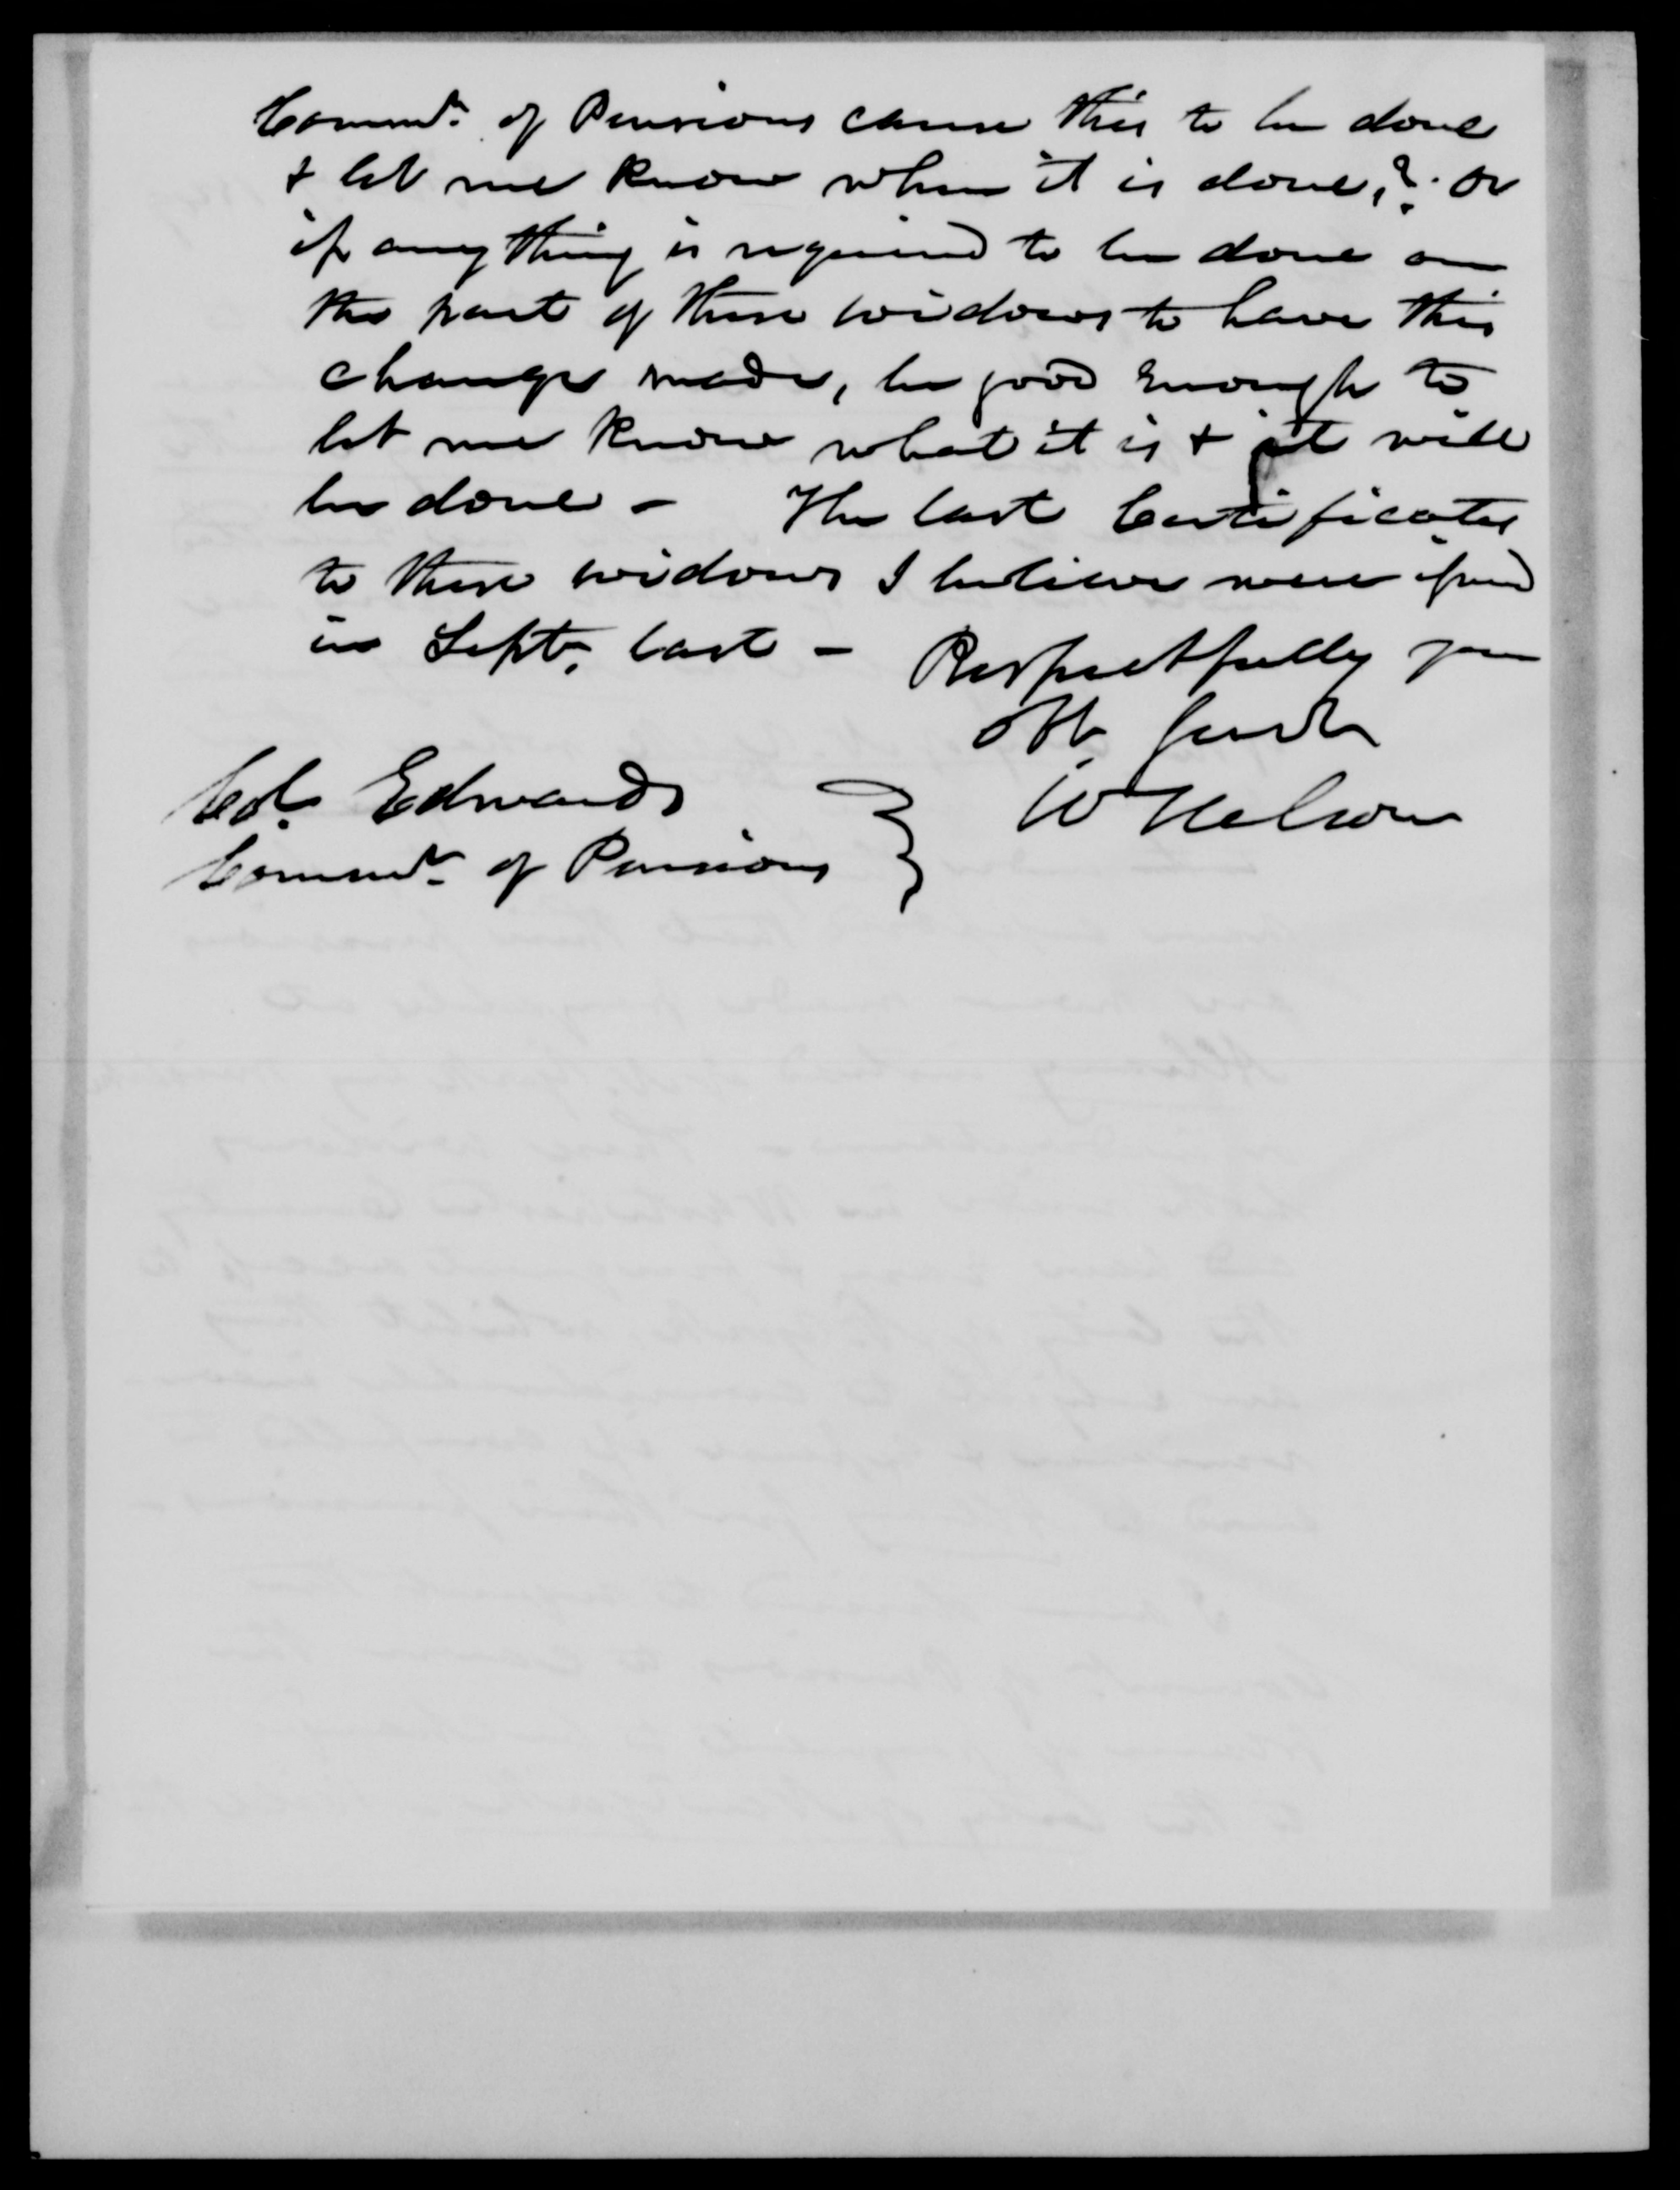Commr of Pensions cause this to be done & let me know when it is done, or if any thing is required to be done or the part of the widow to have this change made.  Be good enough to let me know what it is & it will be done. The last Certificate to these windows I believe were issued in Sept. last 
Respectfully 
Your obt svt W. Nelson
J. L. Edwards Comr of Pensions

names: W Nelson; [BLANK] Edwards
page: 64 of 87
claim: widow's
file: W. 22,226, for Nathan Slawson, Connecticut